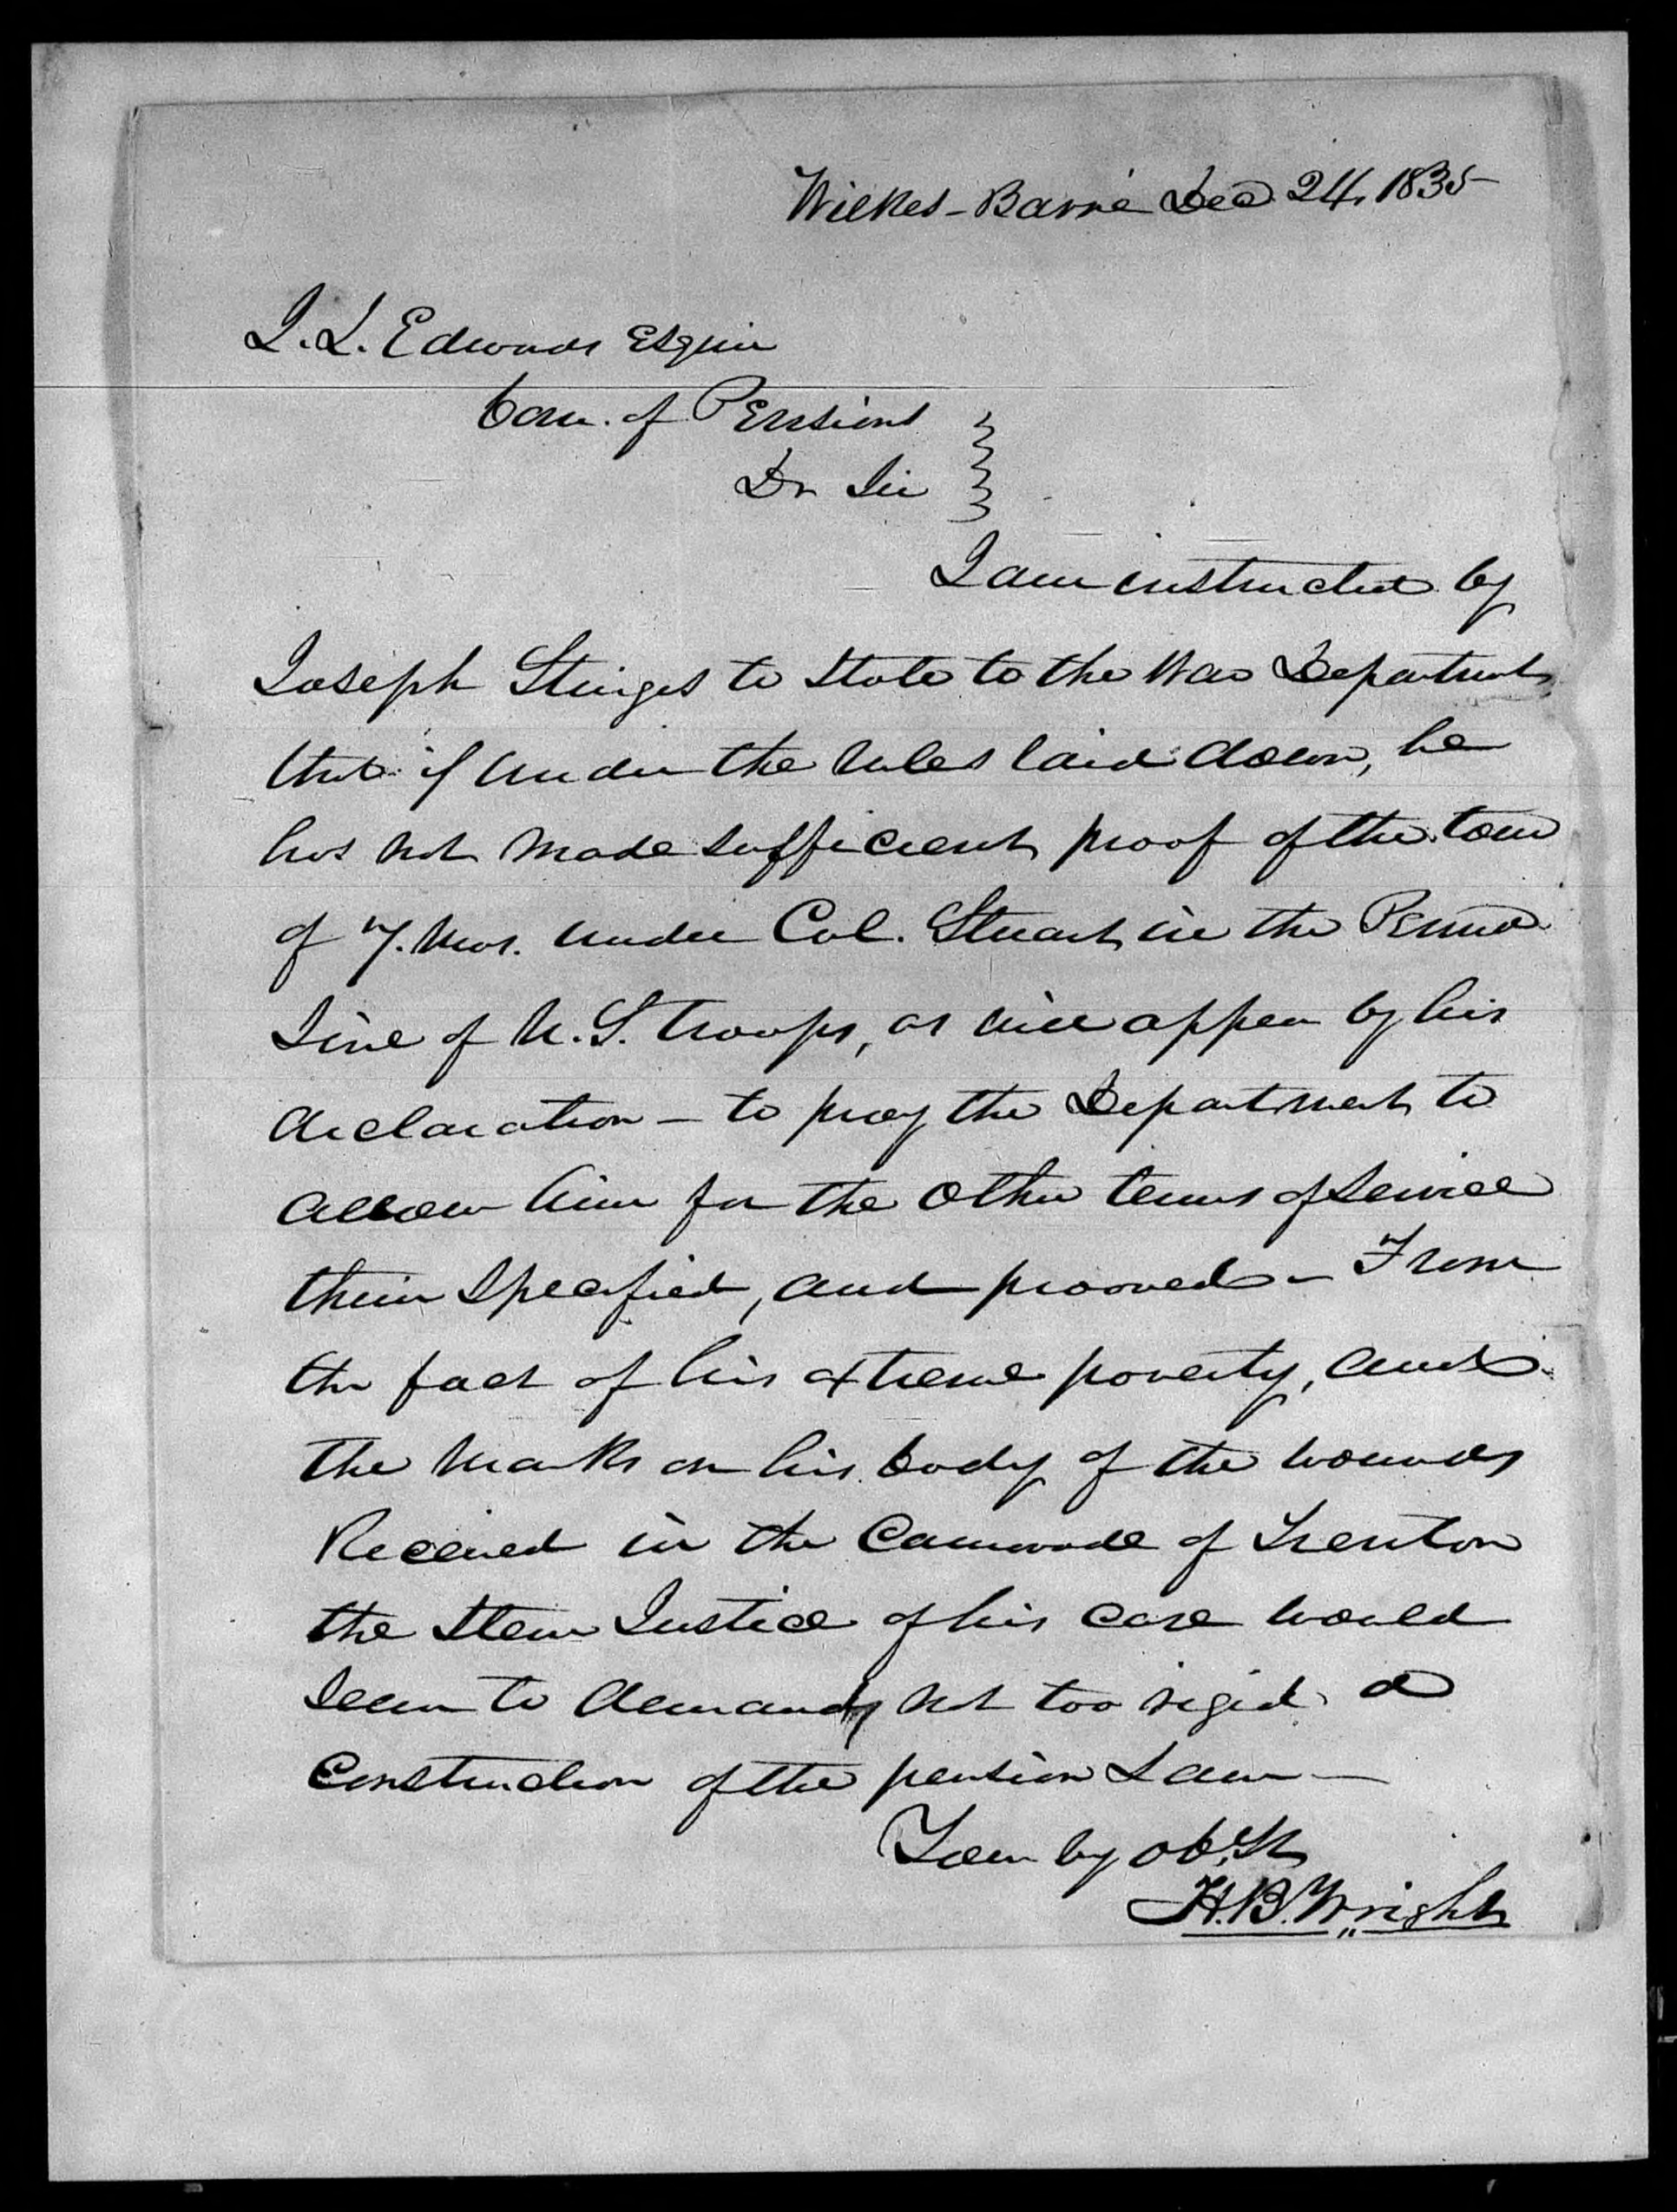Wilkes-Barre Dec 24, 1835     
J. L. Edwards, Esquire
Com of Pensions} 
Dr Sir    
I am instructed by Joseph Sturges to state to the War Department that if under the rules laid down, he has not made sufficient proof of the tour of 7 mos.  under Col. Stuart in the Penna line of U.S. troops, as will appear by his declaration to [unreadable] the Department to allow him for the other terms of service their specified, and proved - From the fact of his extreme poverty, and the marks on his body of the wounds Received in the Cannonade of Trenton the stem Justice of his case would seem to demand not too rigid a Construction of the pension Law- 
Your Obt Svt
 H.B. Wright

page: 27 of 31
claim: survivor's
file: S. 6154, for Joseph Sturgis, Pennsylvania